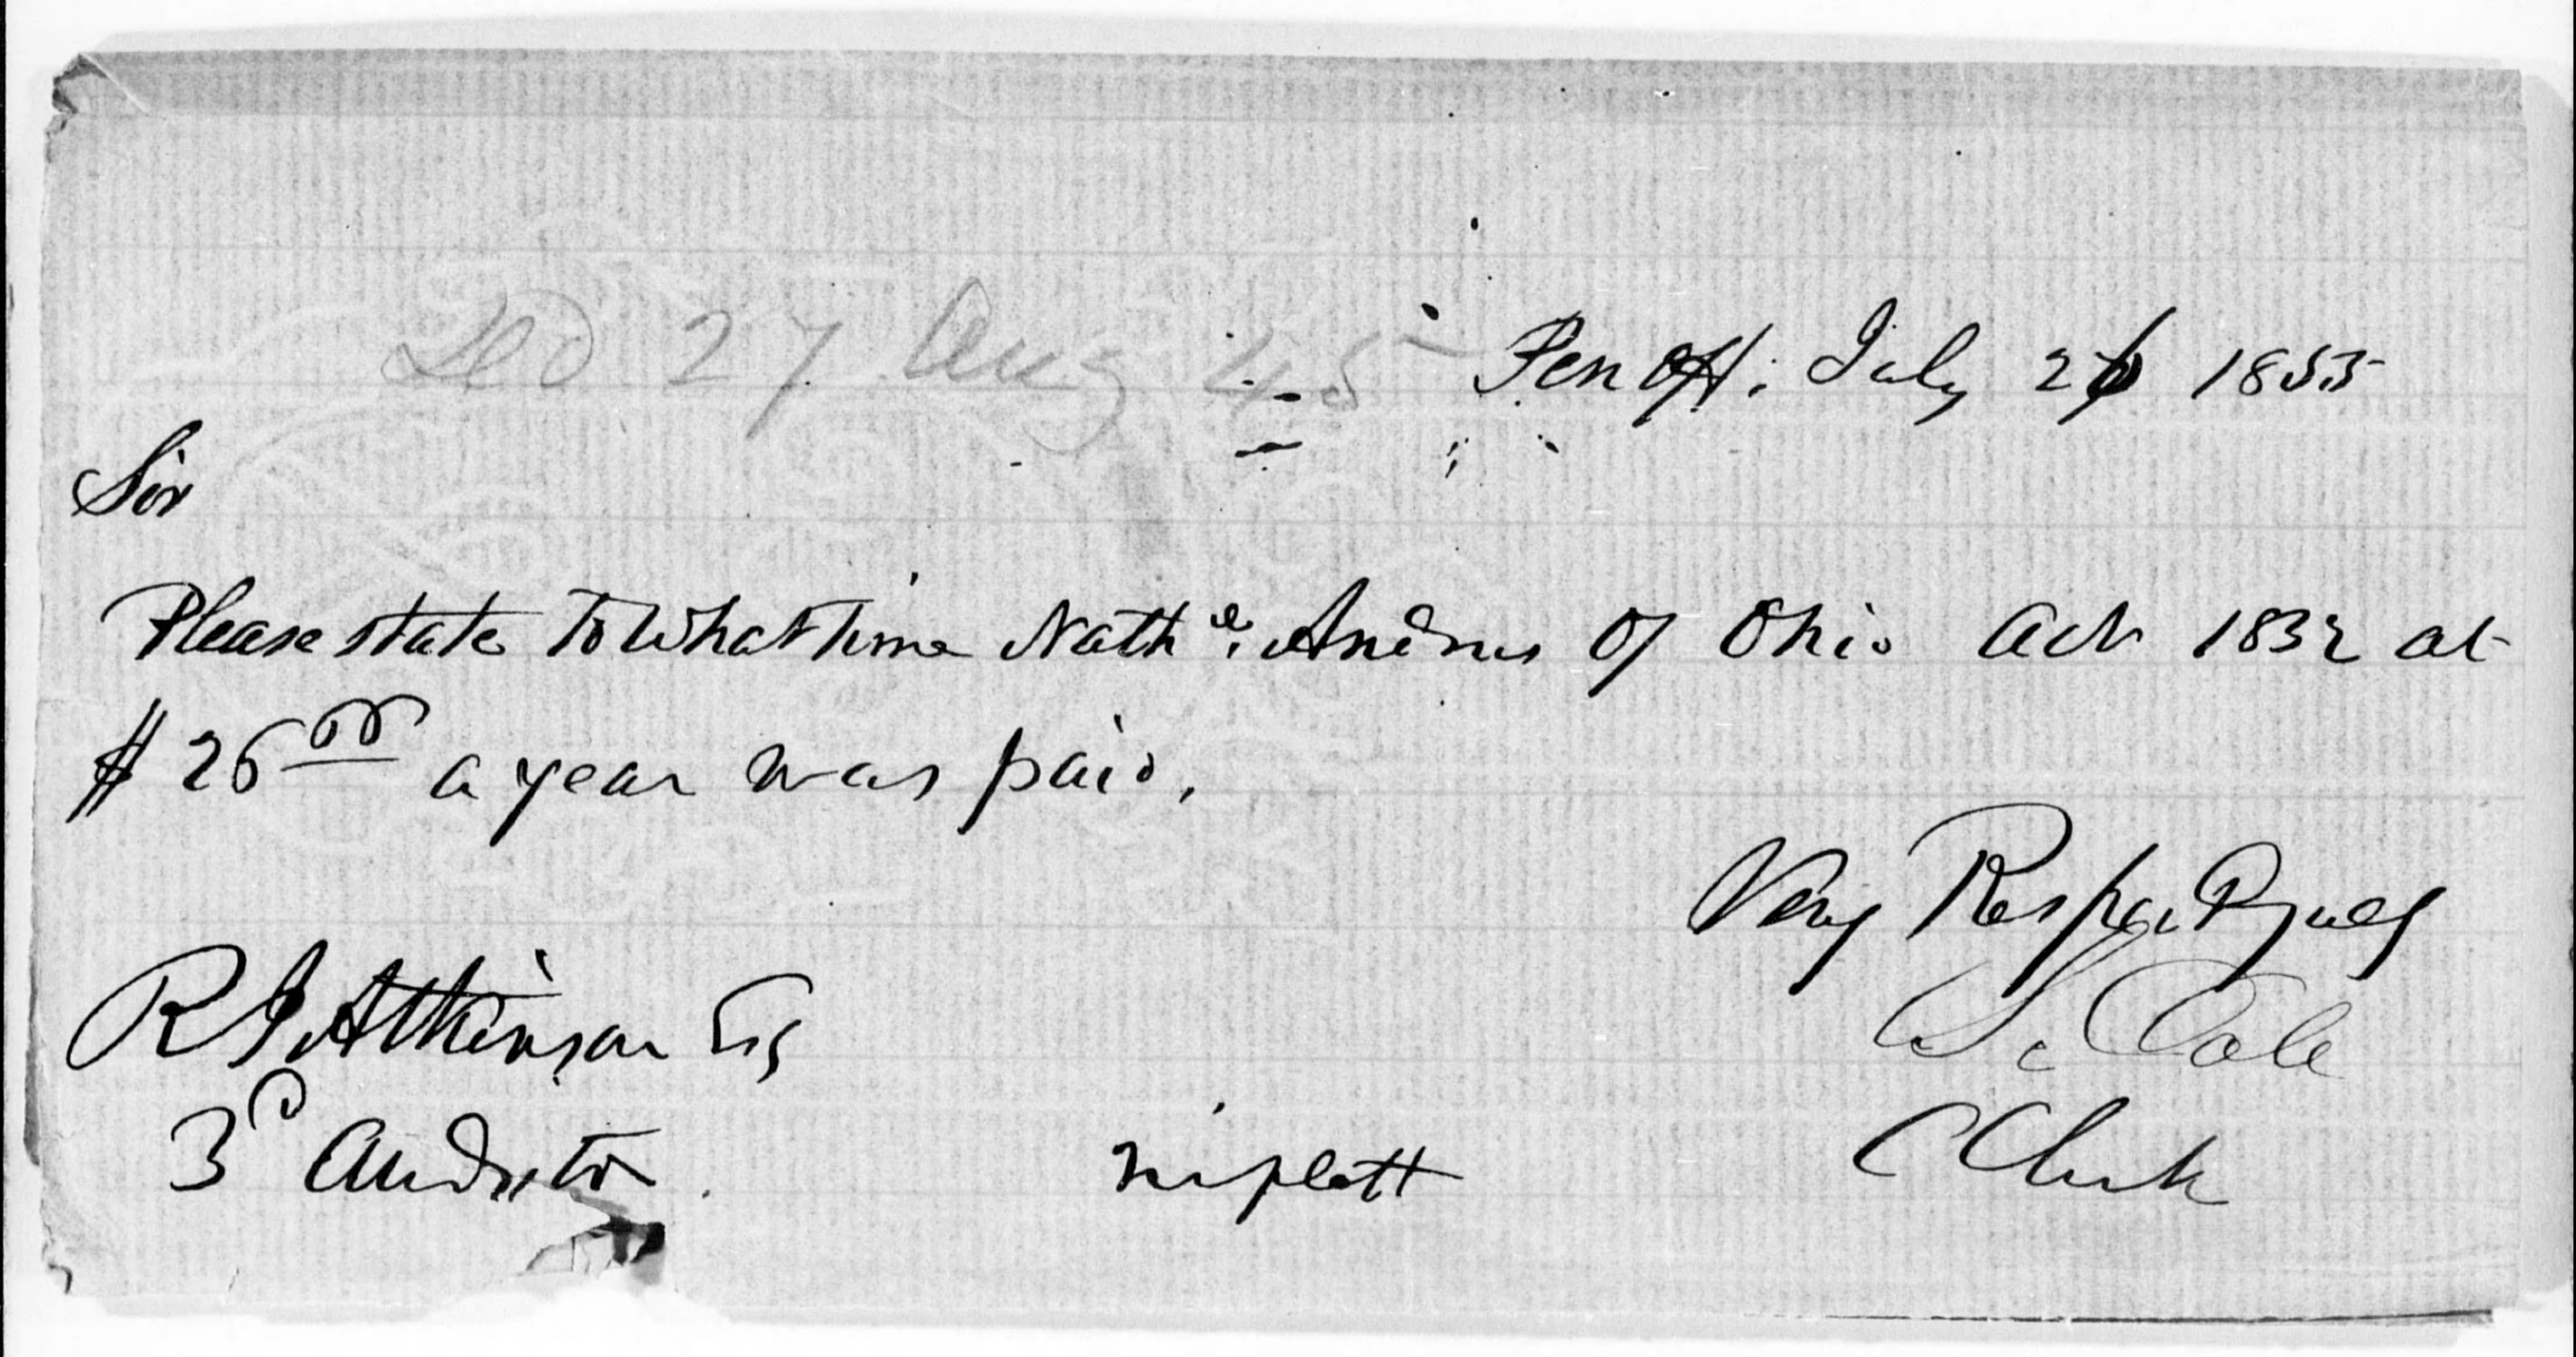Sd 27 Aug 45 Pen OH. July 26 1853
Sir

Please state to what time Nath Andres of Ohio Oct 1832 at
$26.00 a year was paid
Very Respectfully
aSe Dale
C Clerk
R J Atkinson Esq
3d August 
niplatt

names: Nathl Andrus, R I Atkinson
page: 22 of 78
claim: widow's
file: W. 4117, Nathaniel Bradley, Conn.